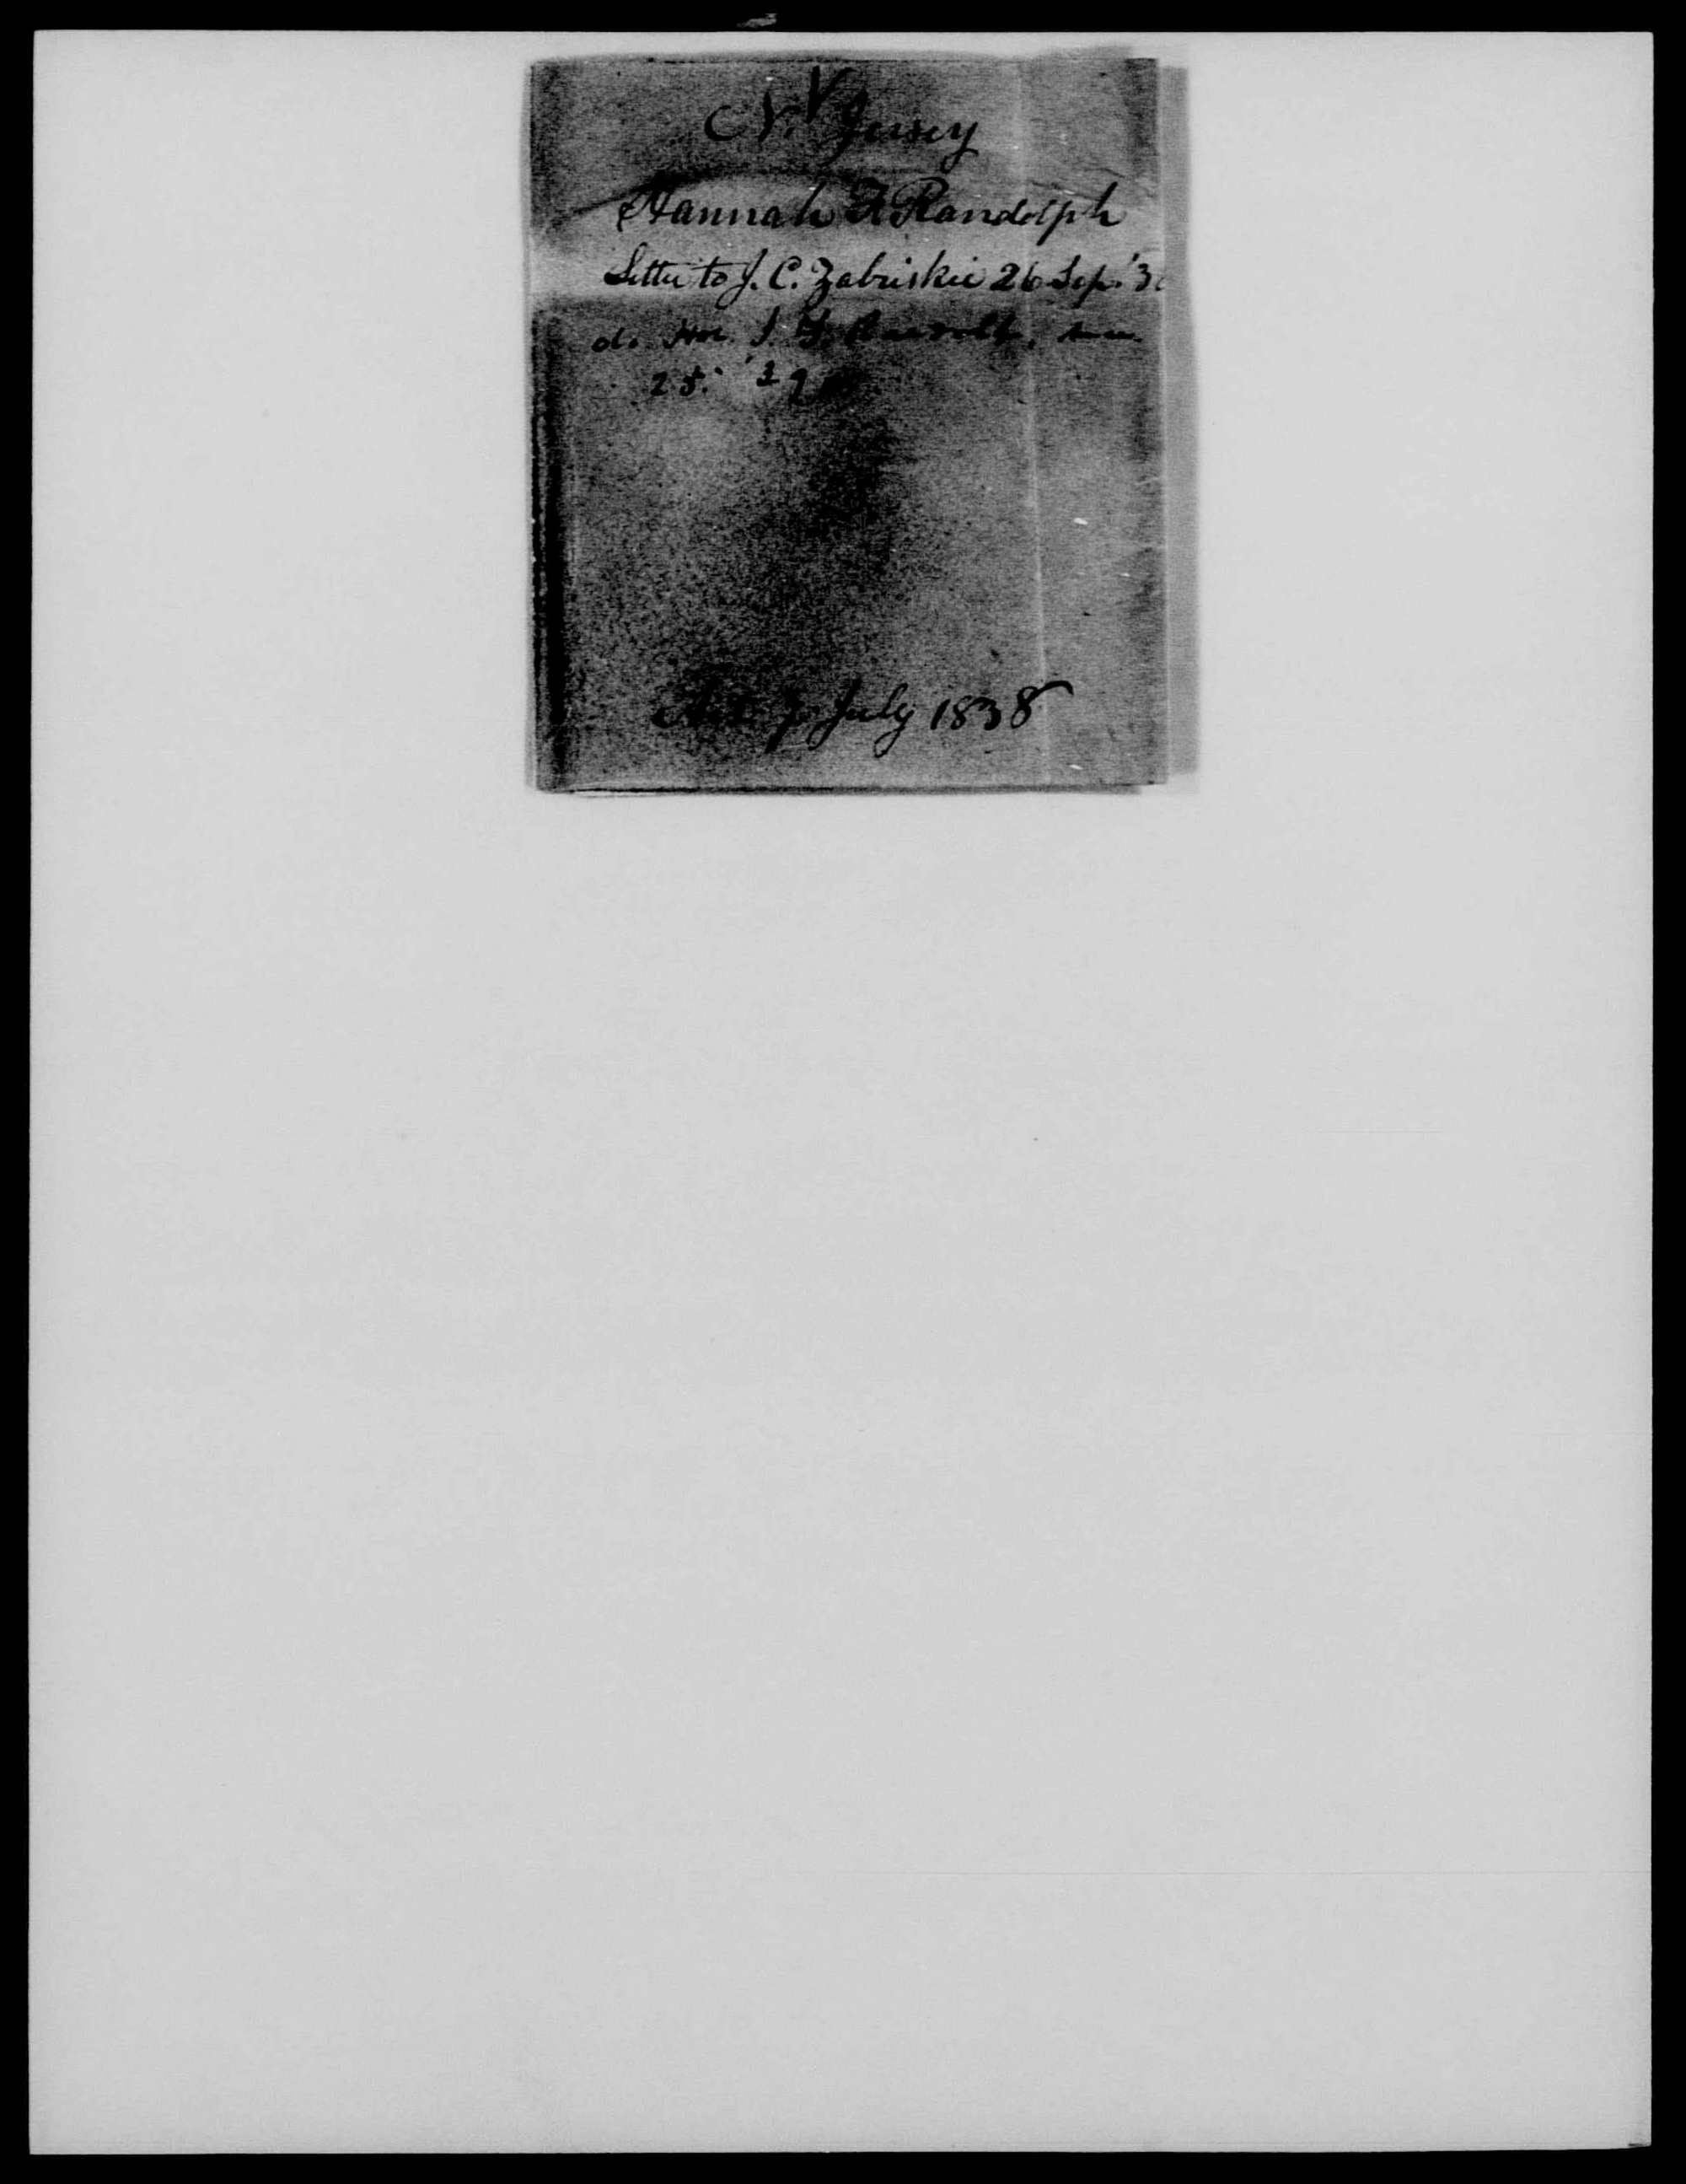CY. Jersey
Hannah F Randolph
Letter to J.C. Zabriskie 26 Sep 30
ol. Her I.F. Ra[illegible]
25 3q
Act of July 1838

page: 18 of 33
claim: widow's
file: W. 5,665, for Stelle F Randolph, New Jersey